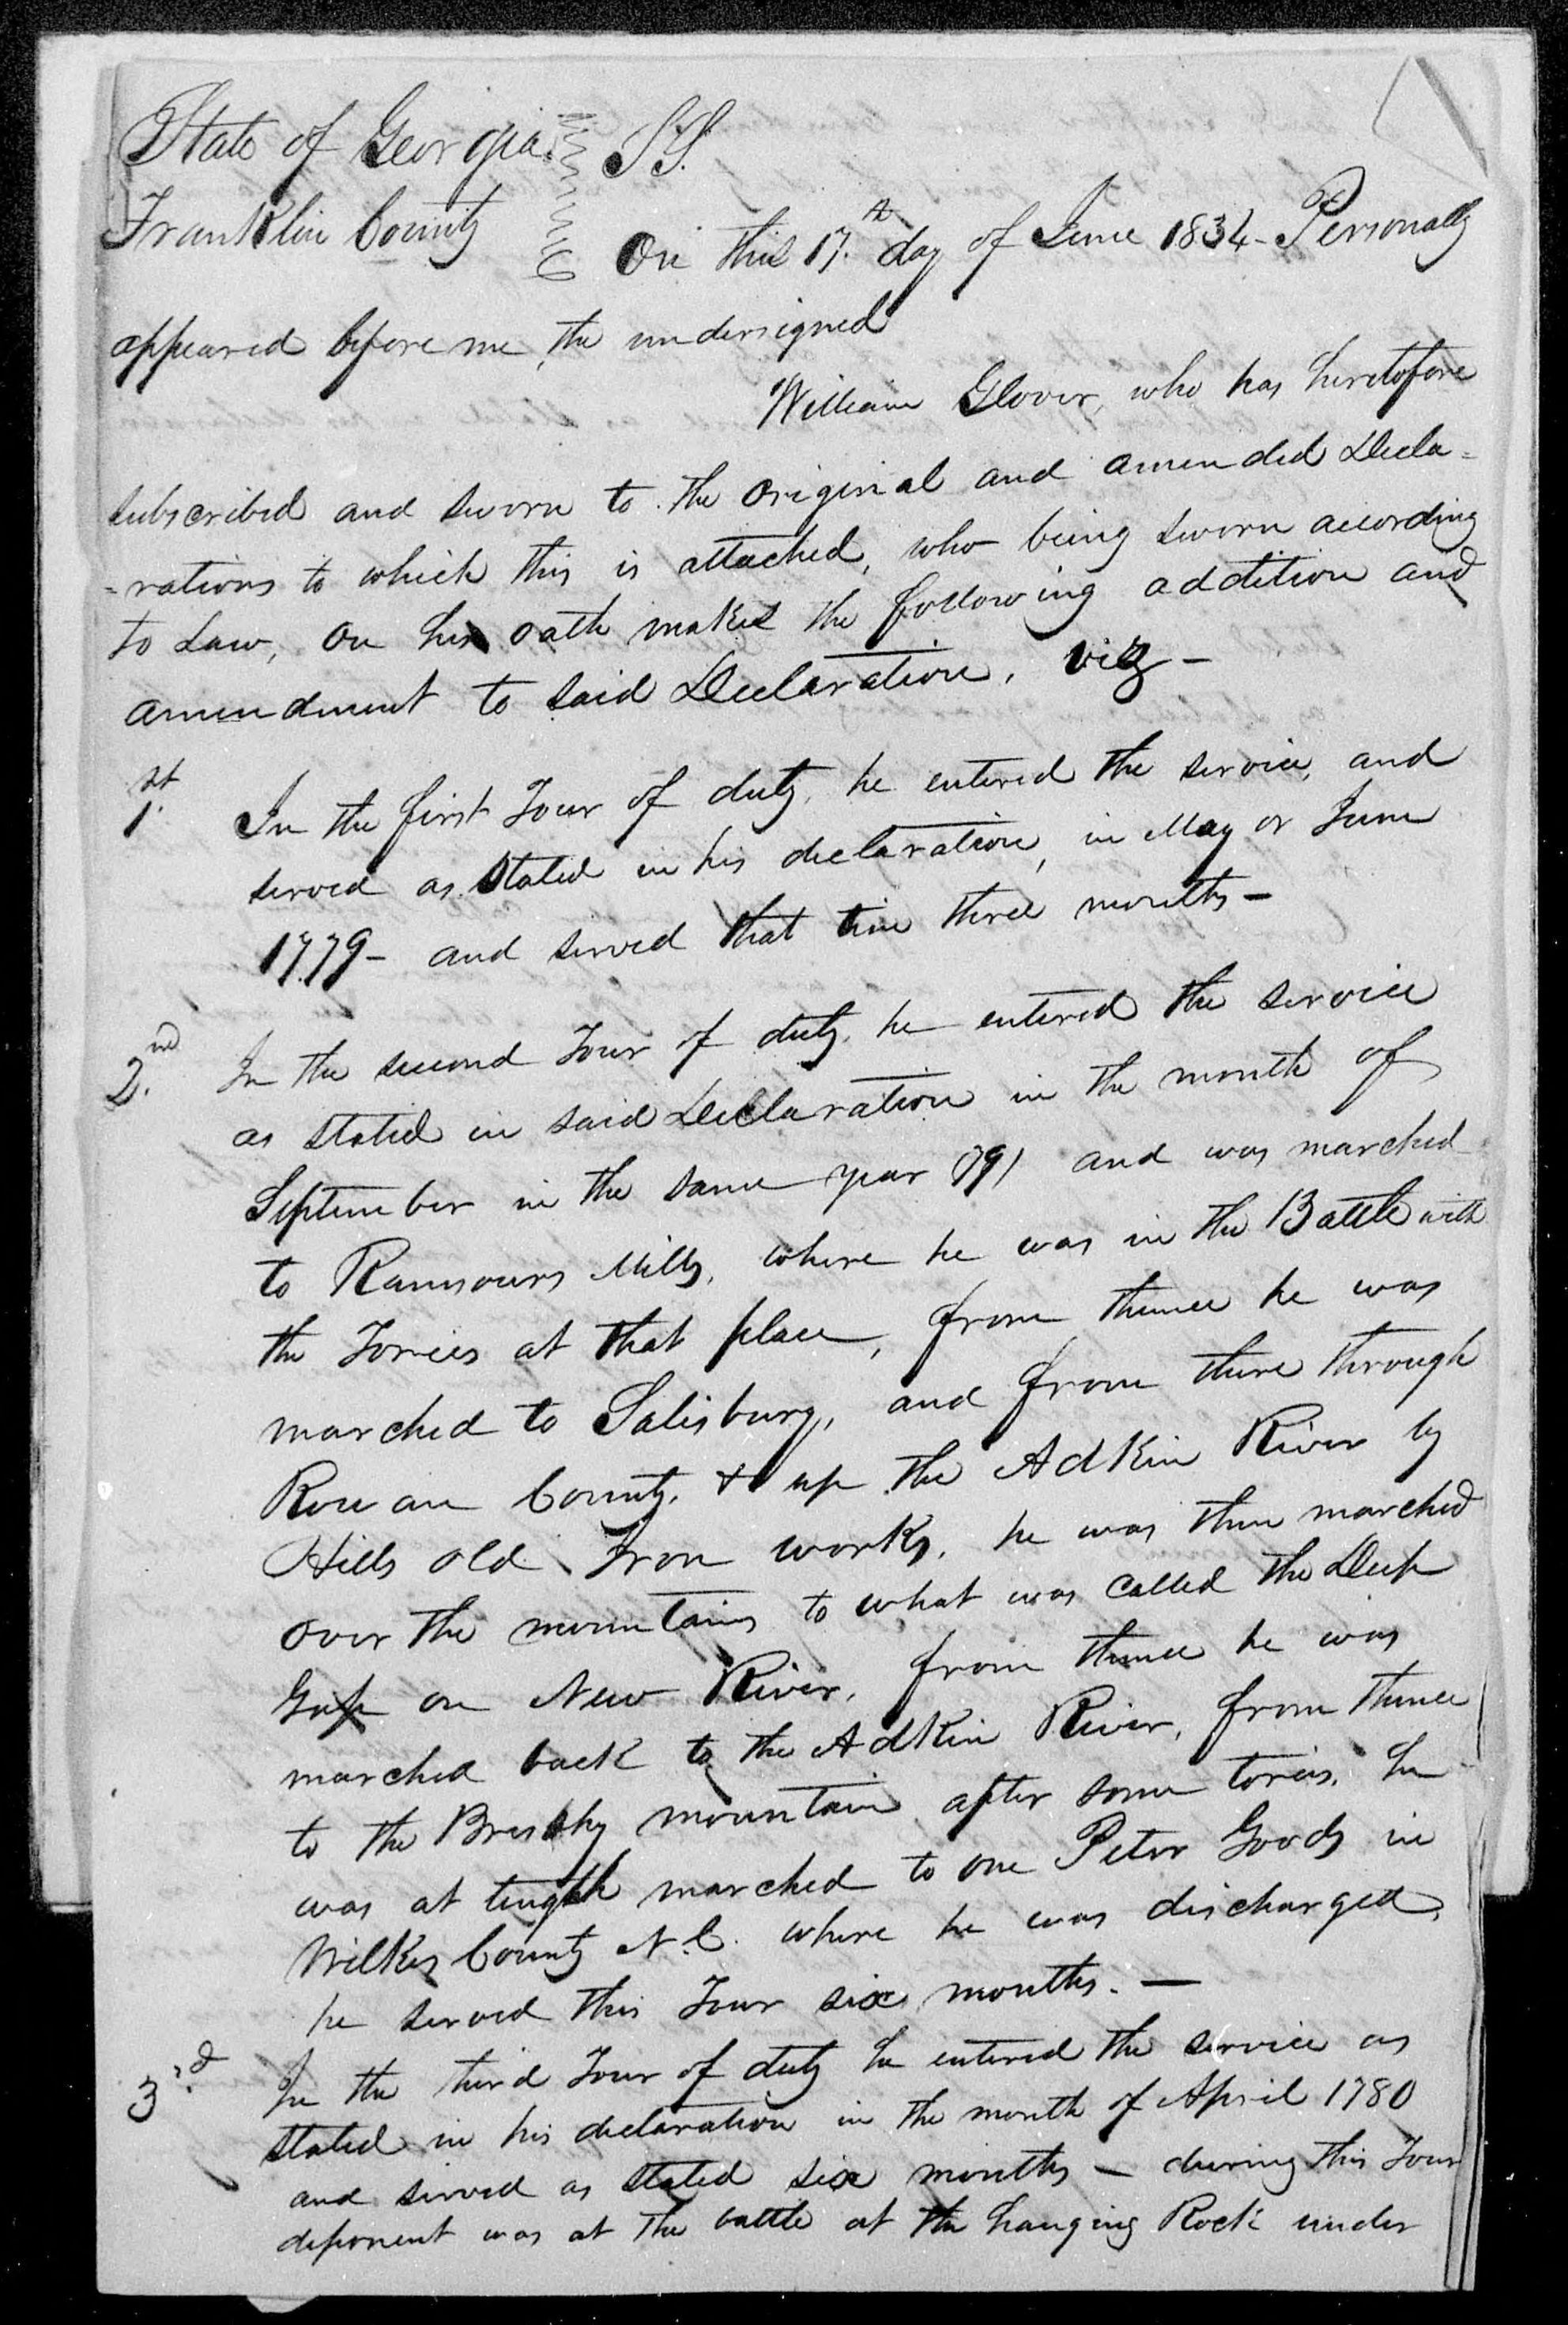State of Georgia} SG
Franklin County}

On this 17th day of June 1834, Personally appeared before me the undersigned 

William Glover, who has heretofore subscribed and sworn to the original and amended Declarations to which this is attached who being sworn according to law, under oath marked the following addition and amendment to said Declaration. [illegible]

In the first Tour of duty he entered the service and served as stated in his declaration in May or June 1779-and served that time three months-

In the served Tour of duty he entered the service as stated in said declaration in the month of September in the same year (79) and was marched to Rowan Mills where he was in the Battle with the Tories at that place from there he was marched to Salisbury, and from there through Rowan County, & up the Adkin River by Hills old from works his way then marched over the mountains to what was called the Deep Gulf on Neuse River, from there he was marched back to the Adkin River from there to the Brushy mountain after some time he was at [illegible] marched to one Peter Goods in Wilkes County N.C. where he was discharged, he served this Tour six months.-

In the third Tour of duty he entered the service as stated in his declaration in the month of April 1780 and served as stated six months-during this Tour deferment was at the battle of the hanging Rock under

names: William Glover, Peter Goods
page: 39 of 51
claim: widow's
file: W. 929, William Glover, N.C.